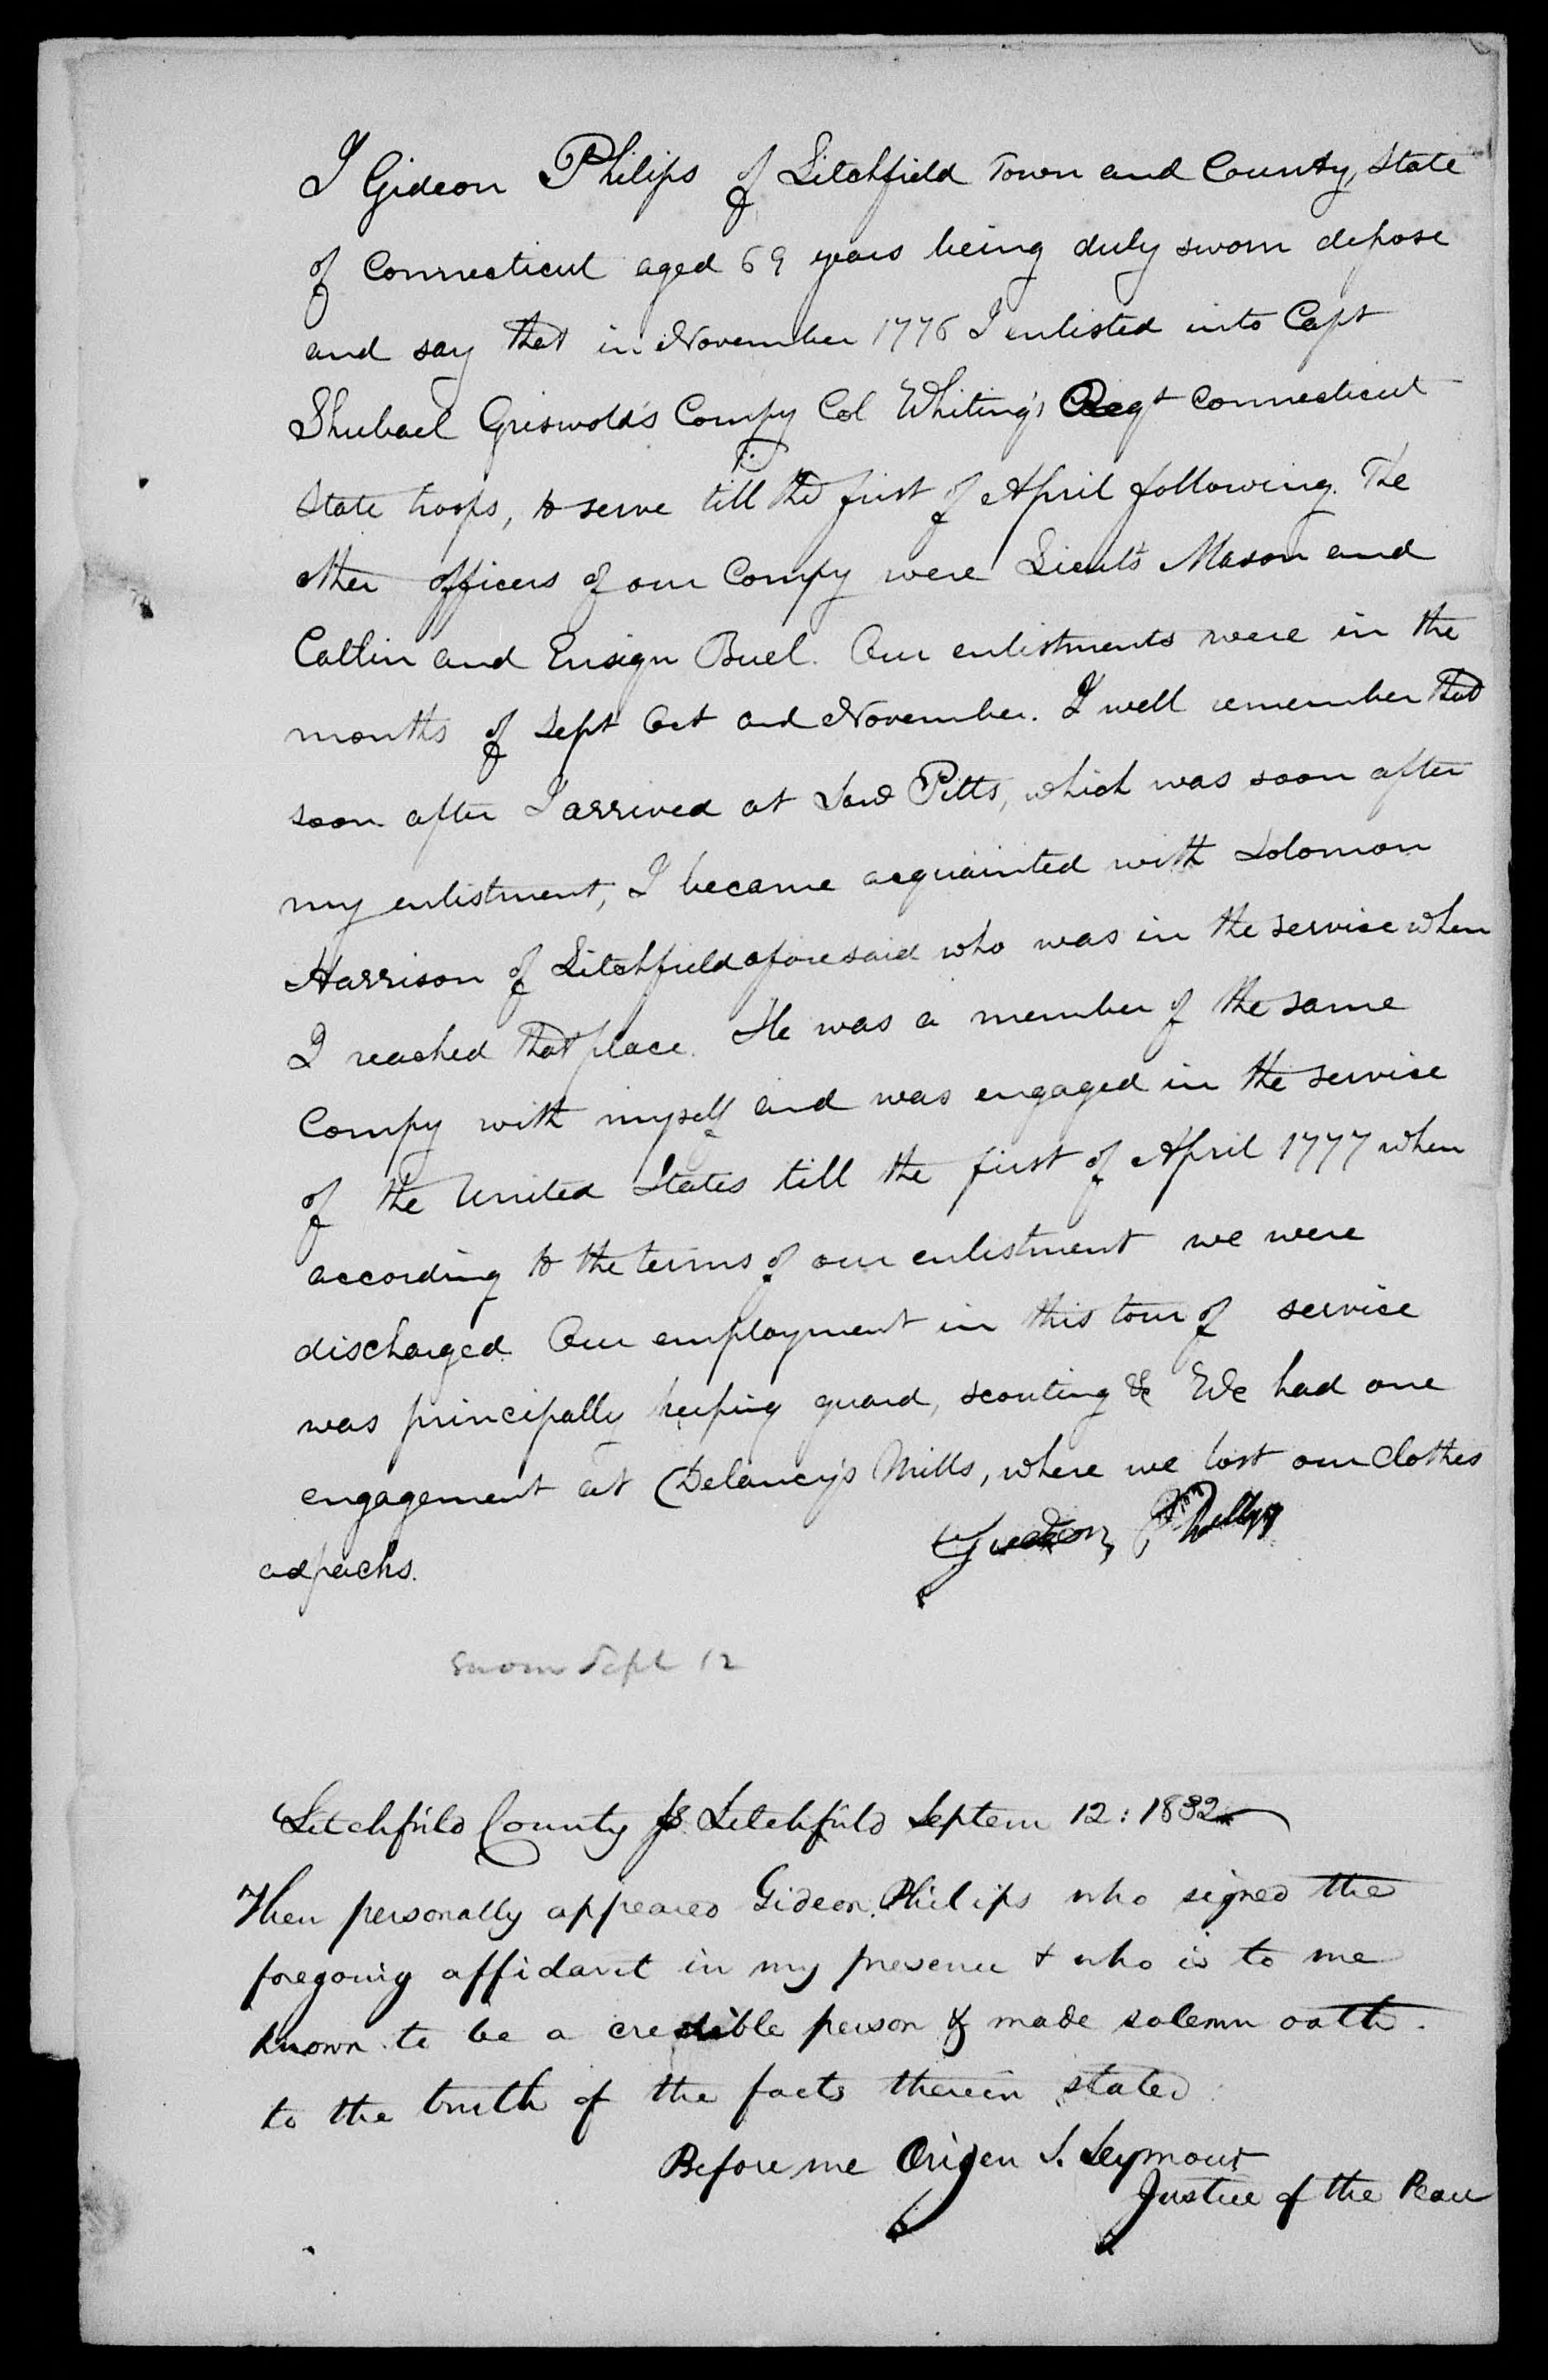I Gideon Phillips of Litchfield Town and County, State of Connecticut aged 69 years being duly sworn depose and say that in November 1776 I enlisted into Capt Shubael Griswold's Company Col Whiting's Regt Connecticut State troops, to serve till the first of April following. The other officers of our Compy were Lieut Mason and Catlin and Ensign Buel. Our enlistments were in the months of Sept Oct and November. I well remember that soon after I arrived at Saw Pitts , which was soon after my enlistment, I became acquainted with Solomon Harrison of Litchfield aforesaid who was in the service when I reached that place. He was a member of the same Compy with myself and was engaged in the service of the United States till the first of April 1777 when according to the terms of our enlistment we were discharged our employment in this tour of service was principally keeping guard, scouting & we had one engagement at Delaney's Mill, where we lost our clothes and packs.
Gideon Phillips
sworn Sept 12
Litchfield County ss. Litchfield Septem 12. 1882
Then personally appeared Gideon Philips who signed the foregoing affidavit in my presence & who is to me known to be a credible person & made solemn oath to the truth of the facts therein stated.
Before me Origen S. Seymour
Justice of the Peace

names: Origen S Seymour, Mason, Gideon Philips, Solomon Harrison, Gideon Philips, Buel, Catlin, Gideon Philips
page: 16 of 22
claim: survivor's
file: S. 16137, Solomon Harrison, Conn.